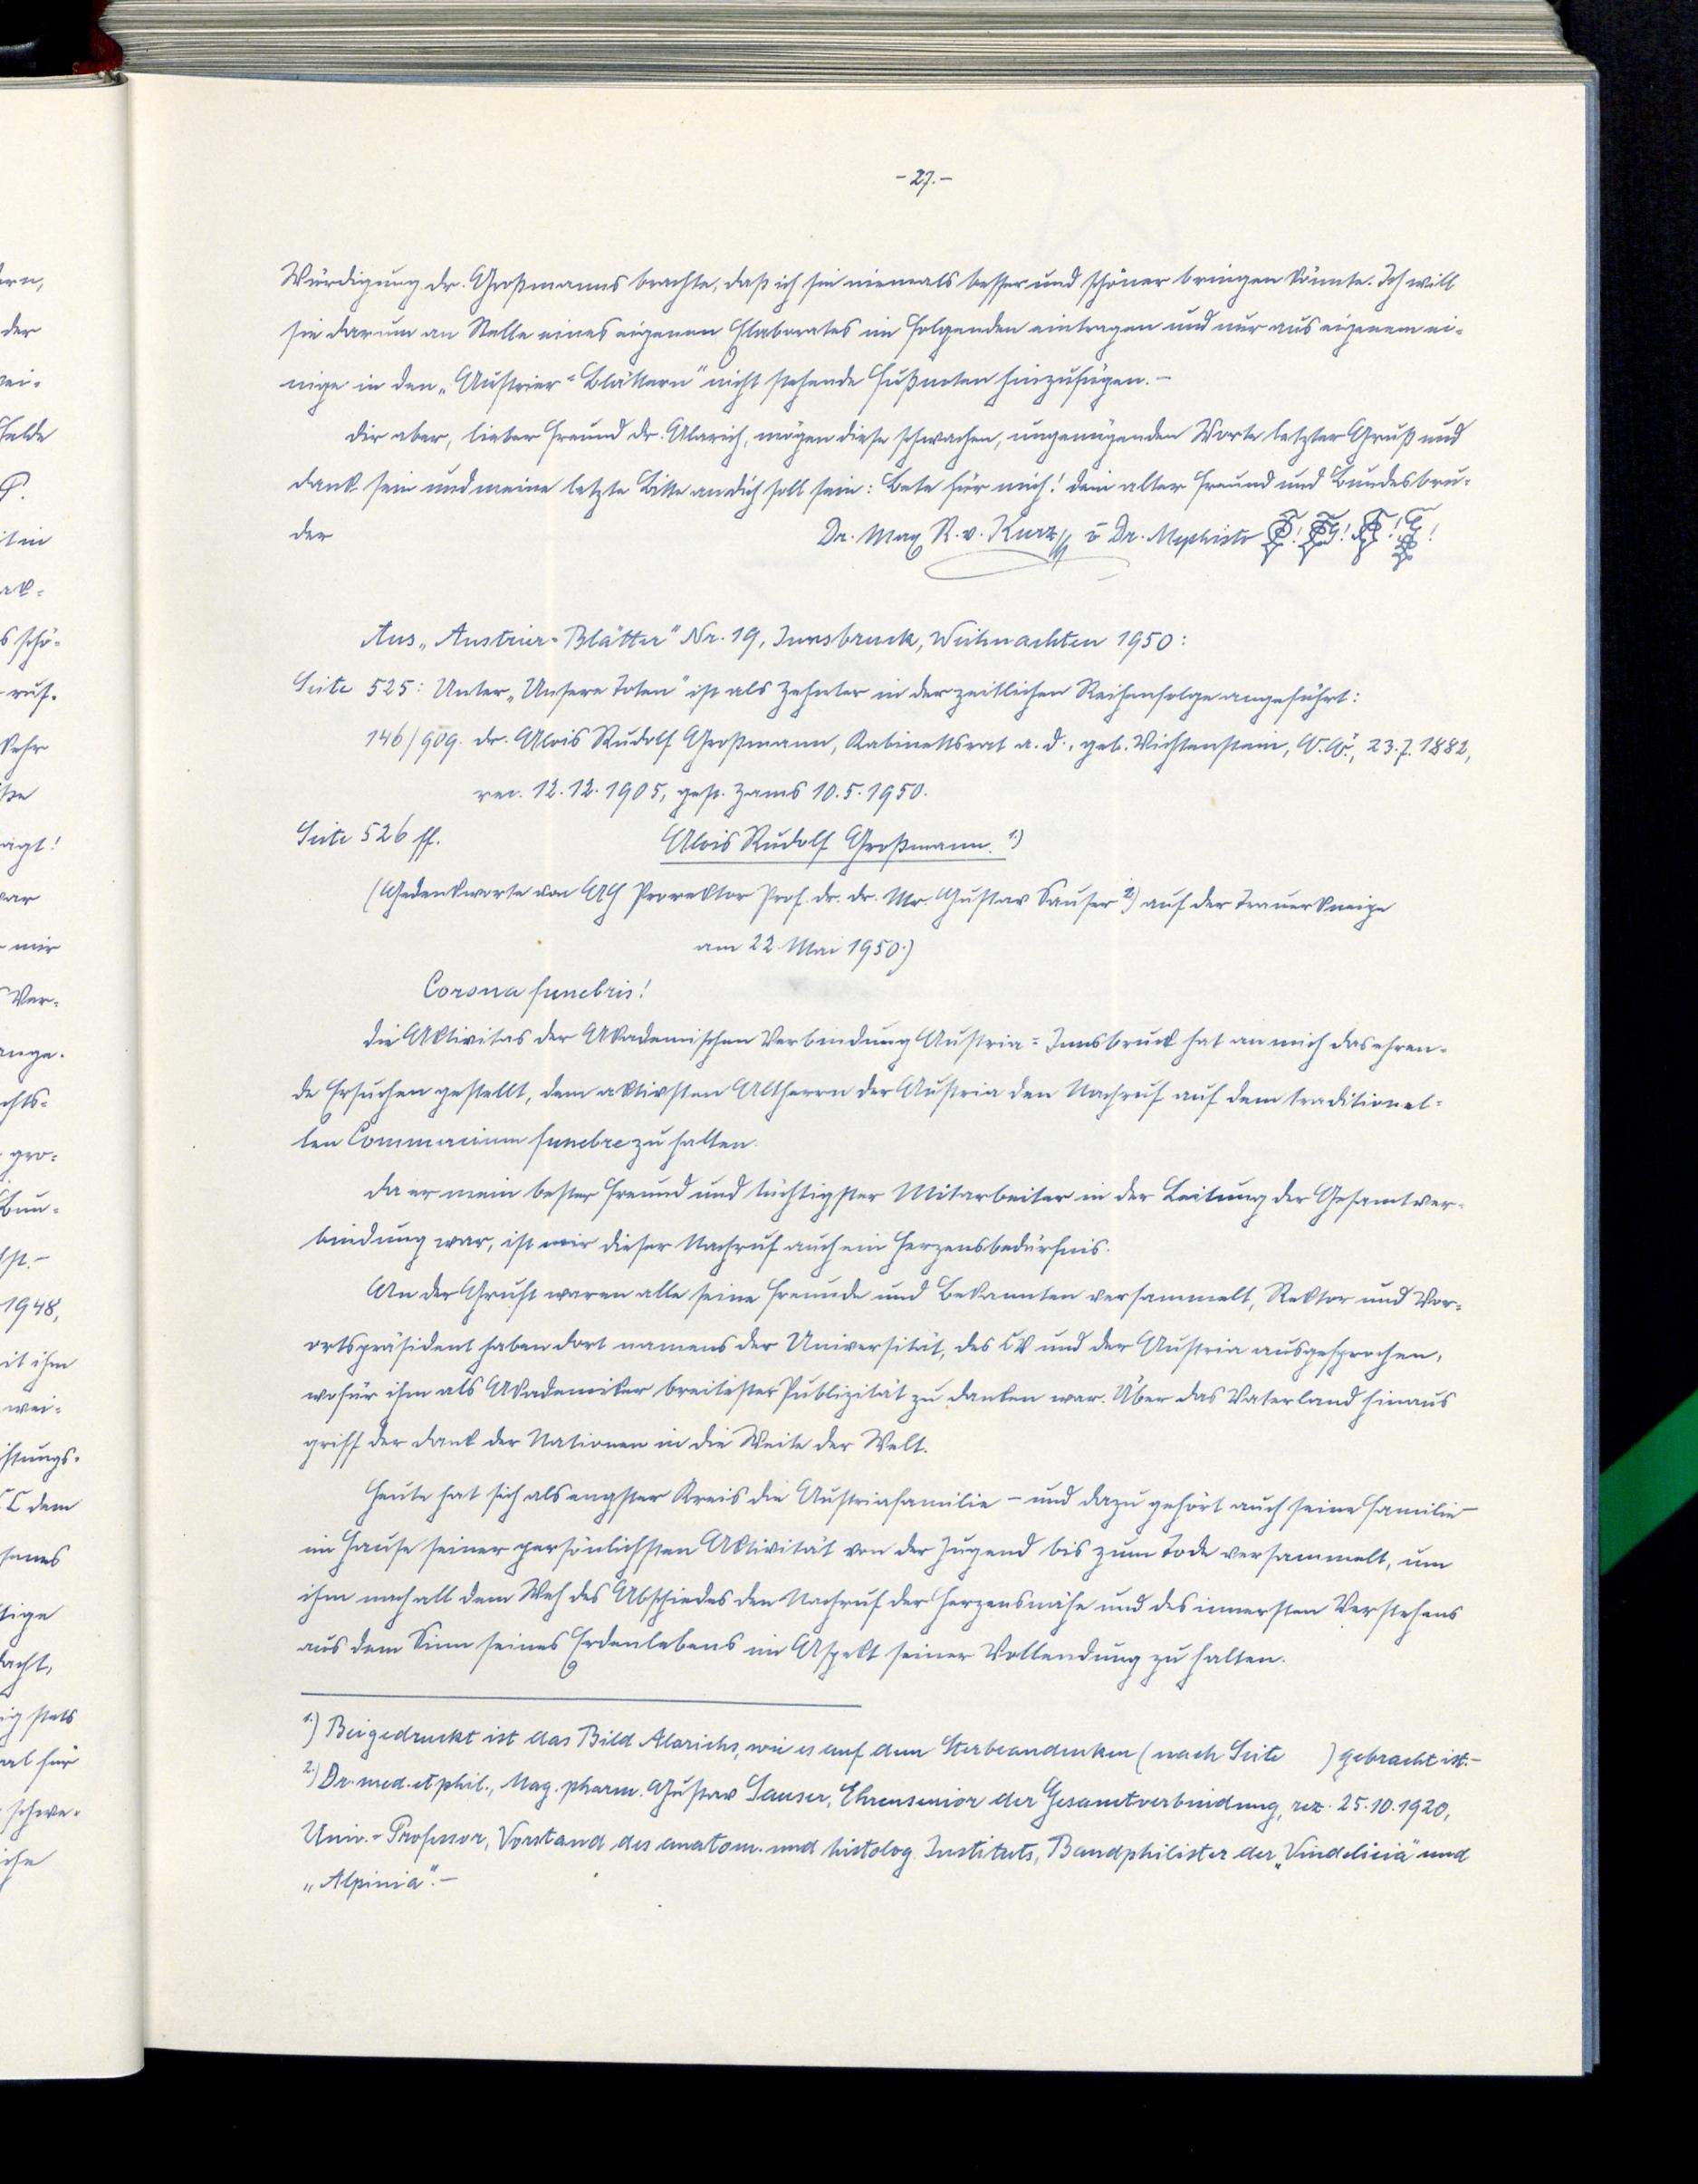27
Würdigung Dr. Großmanns brachte, dass ich sie niemals besser und schöner bringen könnte. Ich will
will sie darum an Stelle eines eigenen Elaborates im Folgenden eintragen und nur aus eigenem ei-
nige in den „Austrier-Blättern“ nicht stehende Fußnoten hinzufügen.-
Dir aber, lieber Freund, Dr. Alarich, mögen diese schwachen, ungenügenden Worte letzter Gruß und
Dank sein und meine letzte Bitte endlich soll sein: Bete für mich! Dein alter Freund und Bundesbru-
der
Dr. Max R. v. Kurz, v/o Dr. Mephisto x! x! x! x!
Aus: „Austria-Blätter“ Nr. 19, Innsbruck, Weihnachten 1950:
Seite 525: Unter „Unsere Toten“ ist als zehnter in der zeitlichen Reihenfolge angeführt:
146/909. Dr. Alois Rudolf Großmann, Kabinettsrat a. D., geb. Vichtenstein OÖ, 23. 7. 1882,
rez. 12. 12. 1905, gest. Zams 10.5.1950.
Seite 526 ff.
Alois Rudolf Großmann 1)
(Gedenkworte von AH Prorektor Prof. Dr. Dr. Mr. Gustav Sauser 2) auf der Trauerkneioe
am 22. Mai 1950)
Corona funebris!
Die Aktivitas der akademischen Verbindung Austria-Innsbruck hat an mich das ehrend-
de Ersuchen gestellt, dem aktivsten Altherrn der Austria den Nachruf auf dem traditionel-
len Commercium funebre zu halten.
Da er mein bester Freund und tüchtigster Mitarbeiter in der Leitung der Gesamtver-
bindung war, ist mir dieser Nachruf auch ein Herzensbedürfnis.
An der Gruft waren alle seine Freunde und Bekannten versammelt, Rektor und Vor-
ortspräsident haben dort namens der Universität, des CV und der Austria ausgesprochen,
wofür ihm als Akademiker bereitester Publizität zu danken war. Über das Vaterland hinaus
griff der Dank der Nationen in die Weite der Welt.
Heute hat sich als engster Kreis die Austriafamilie - und dazu gehört auch seine Familie –
im Haus seiner persönlichsten Aktivität von der Jugend bis zum Tode versammelt, um
ihm nach all dem Weh Abschieds den Nachruf der Herzensnähe und des innersten Verstehens
aus dem Sinn seines Erdenlebens im Aspekt seiner Vollendung zu halten.
1) Beigedruckt ist das Bild Alarichs, wie es auf dem Sterbeandenken (nach Seite) gebracht ist.-
2) Dr. med. et phil. Mag. pharm Gustav Sauser, Ehrensenior der Gesamtverbindung, rez. 25.10.1920,
Univ.-Professor, Vorstand des anatom. und histolog. Instituts, Bandphilister der „Vindelicia“ und
„Alpinia“.-